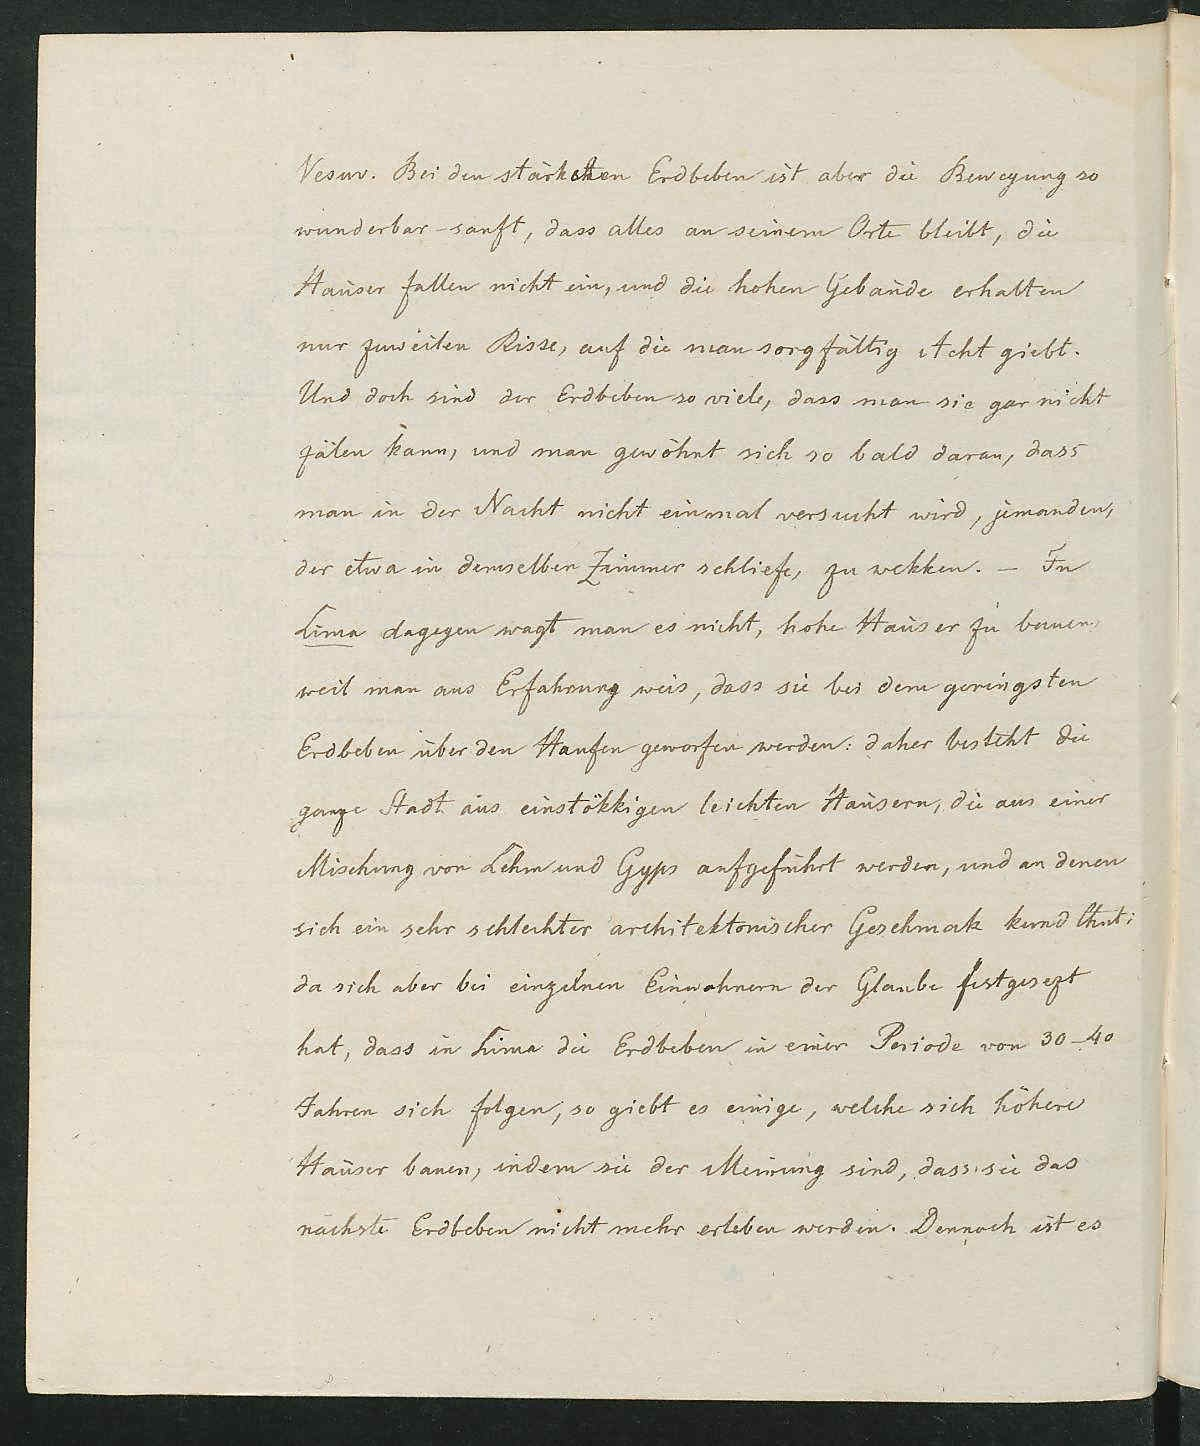Vesuv. Bei den stärkersten Erdbeben ist aber die Bewegung so
wunderbar sanft, dass alles an seinem Orte bleibt, die
Häuser fallen nicht ein, und die hohen Gebäude erhalten
nur zuweilen Risse, auf die man sorgfältig Acht giebt.
Und doch sind der Erdbeben so viele, dass man sie gar nicht
zälen kann, und man gewöhnt sich so bald daran, dass
man in der Nacht nicht einmal versucht wird, jemanden,
der etwa in demselben Zimmer schliefe, zu wekken. – In
Lima dagegen wagt man es nicht, hohe Häuser er zu bauen,
weil man aus Erfahrung weis, dass sie bis dem geringsten
Erdbeben über den Haufen geworfen werden: daher besteht die
ganze Stadt aus einstökkigen leichten Häusern, die aus einer
Mischung von Lehm und Gyps aufgeführt werden, und an denen
sich ein sehr schlechter architektonischer Geschmak kund thut;
da sich aber bei einzelnen Einwohnern der Glaube festgesezt
hat, dass in Lima die Erdbeben in einer Periode von 30-40
Jahren sich folgen, so giebt es einige, welche sich höhere
Häuser bauen, indem sie der Meinung sind, dass sie das
nächste Erdbeben nicht mehr erleben werden. Dennoch ist es